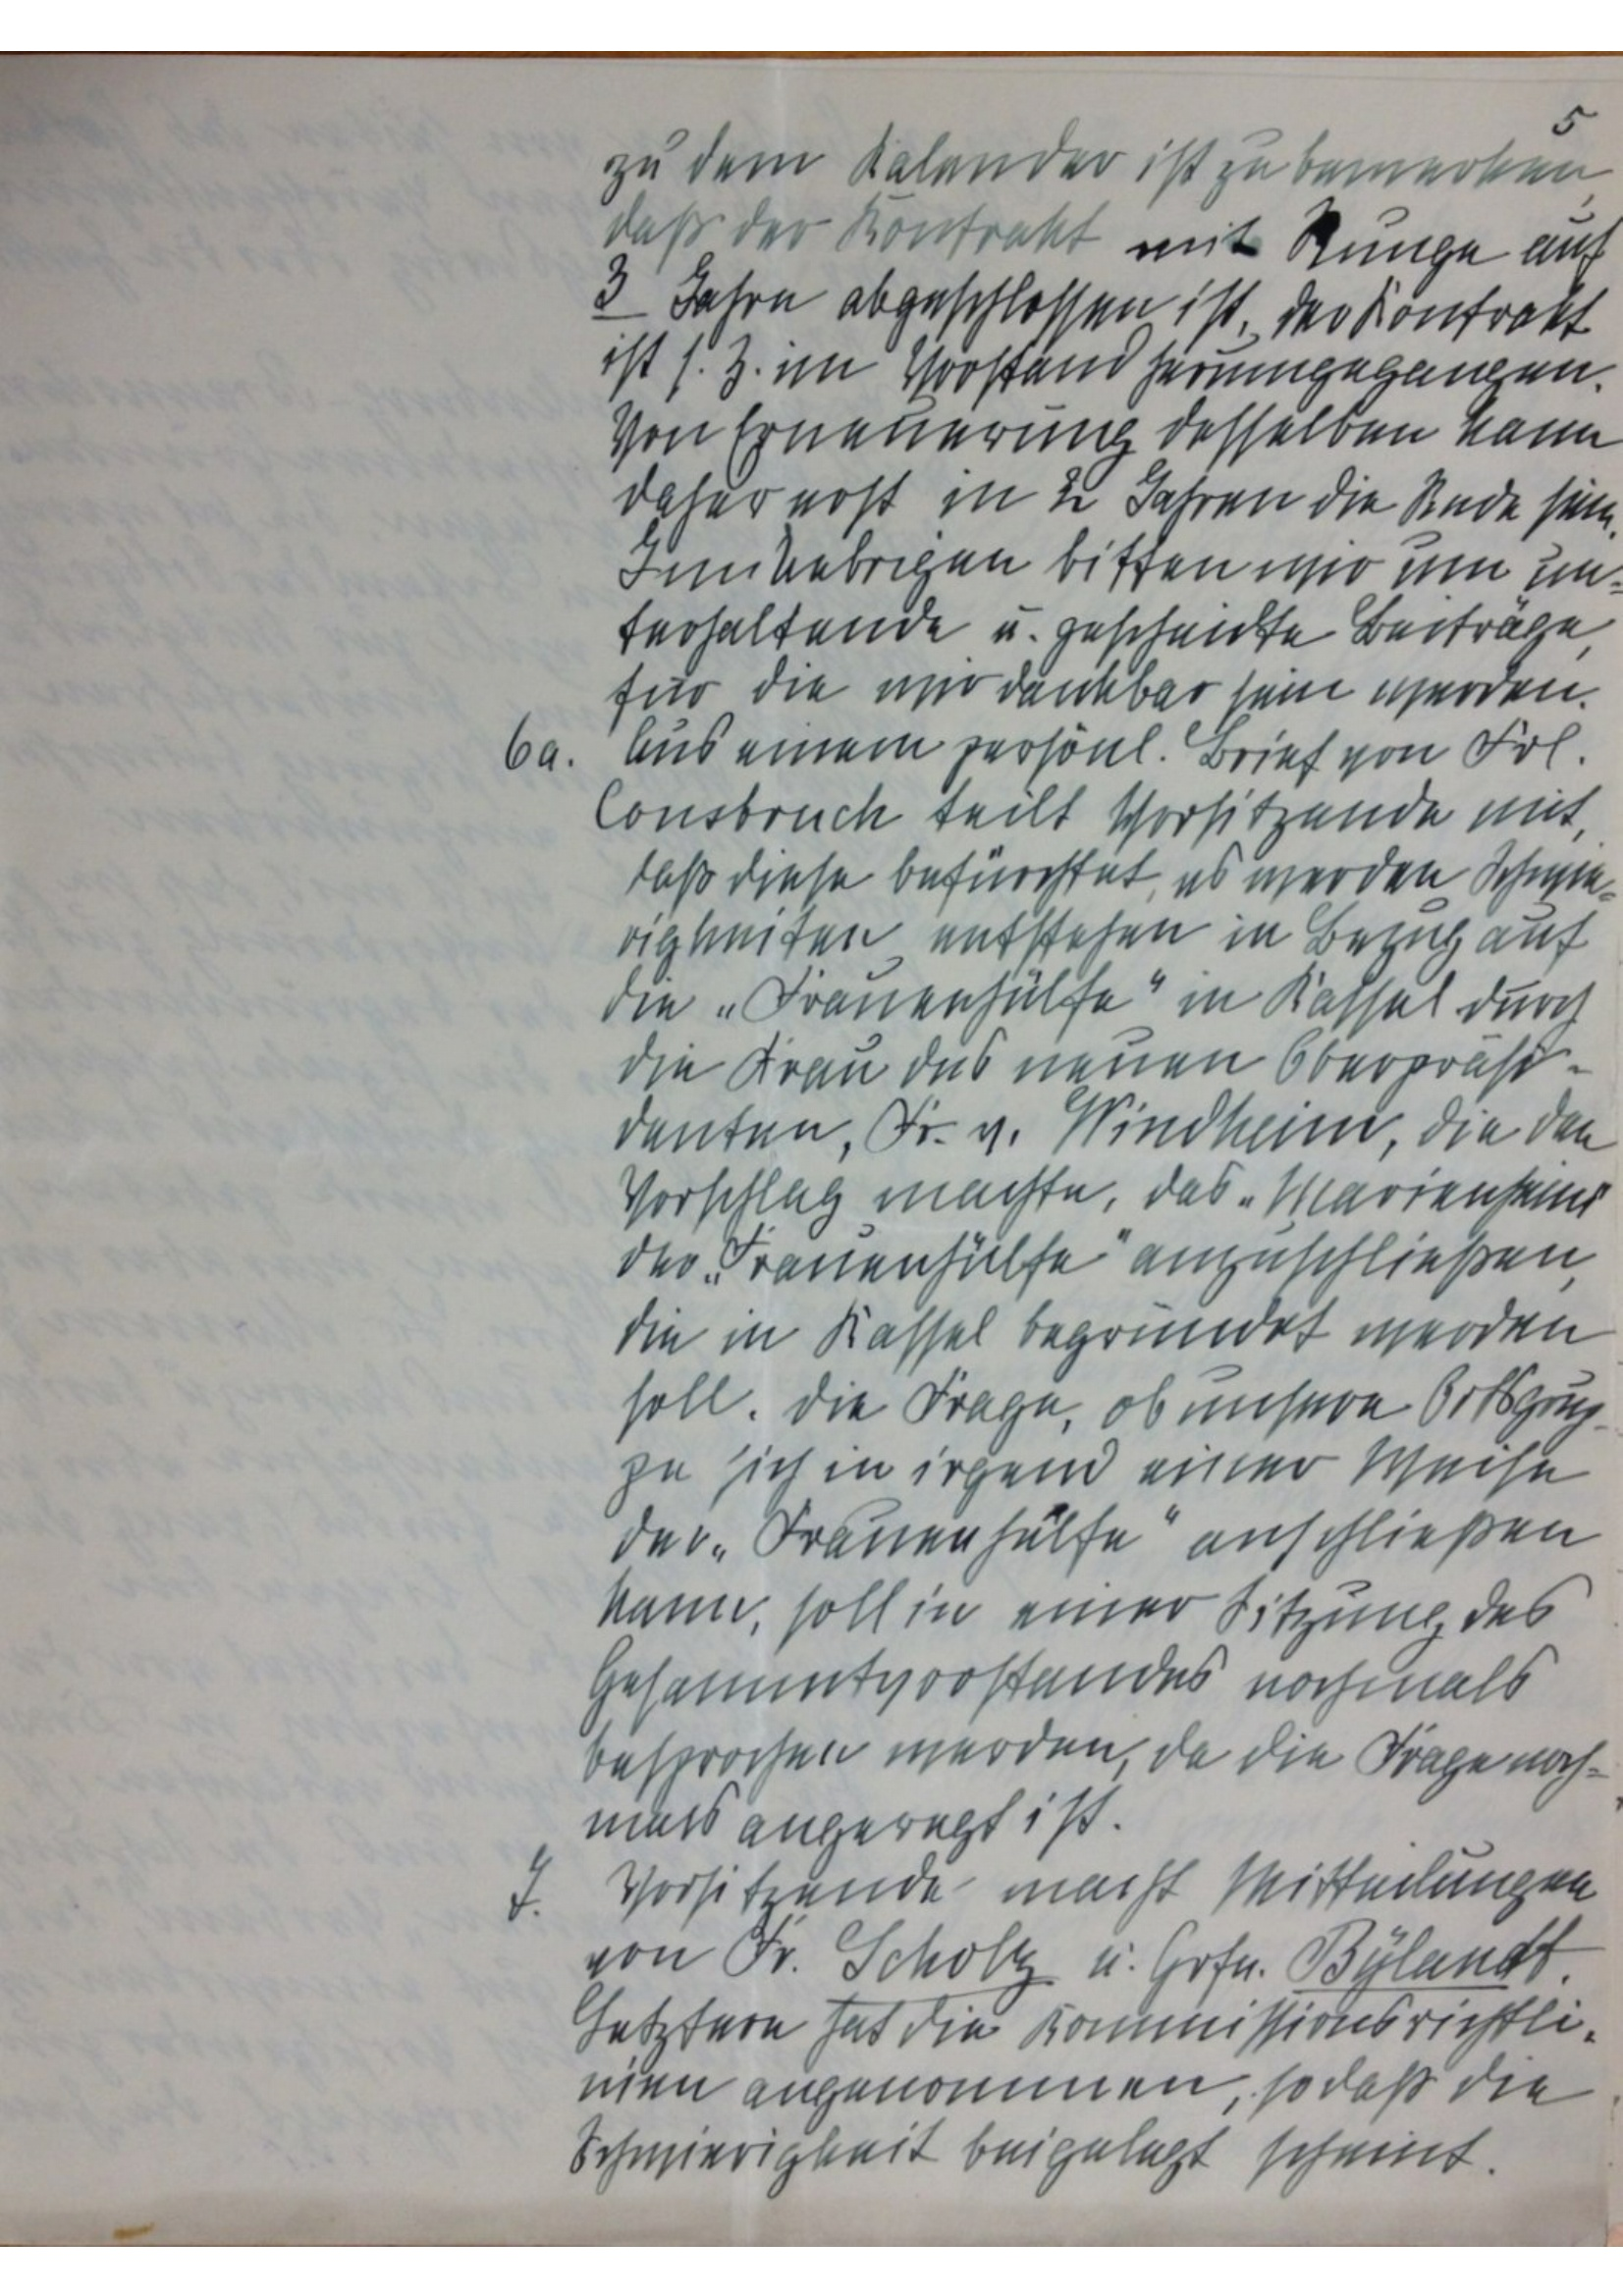7.
6a
zu dem Kalender ist zu bemerken
daß der Kontrakt mit Runge auf
3 Jahre abschlossen ist. Der Kontrakt
ist s. Z. im Vorstand herumgeganen.
Von Erneuerung desselben kann
daher noch in 2 Jahren die Rede sein.
Im Uebrigen betten mir um un
ferhaltende u. gescheite Beiträge
für die mir dankbar sein werden.
Aus einem persönl. Brief von Frl.
Consbruch teilt Vorsitzende mit
da0 diese befürchtet es werde Schwie
rigkeiten entstehen in Bezug auf
die „Freuenhülfe" in Kassel. Durch
die Frau des neuen Oberpräsi
denten, Fr. v. Wundheim, die den
Vorschlag machte das „Marienheim"
der „Frauenhülfe" anzuschließen
die in Kassel begründet werden
soll. Die Frage ob unsere Ortsgrup
pe sich in irgend einer Weise
der „Frauenhüle" anschlie0en
kann, soll in einer Sitzung des
Gesamtvorstandes nochmals
besprochen werden, die die Frage noch
mals angeregt ist.
Vorsitzende macht Mitteilungen
von Fr. Scholz u, Grfn. Bylandt
Letztere hat die Kommsionsrichtlini
nien angenommen, so daß die
Schwiereigkeit beigelgt scheint.